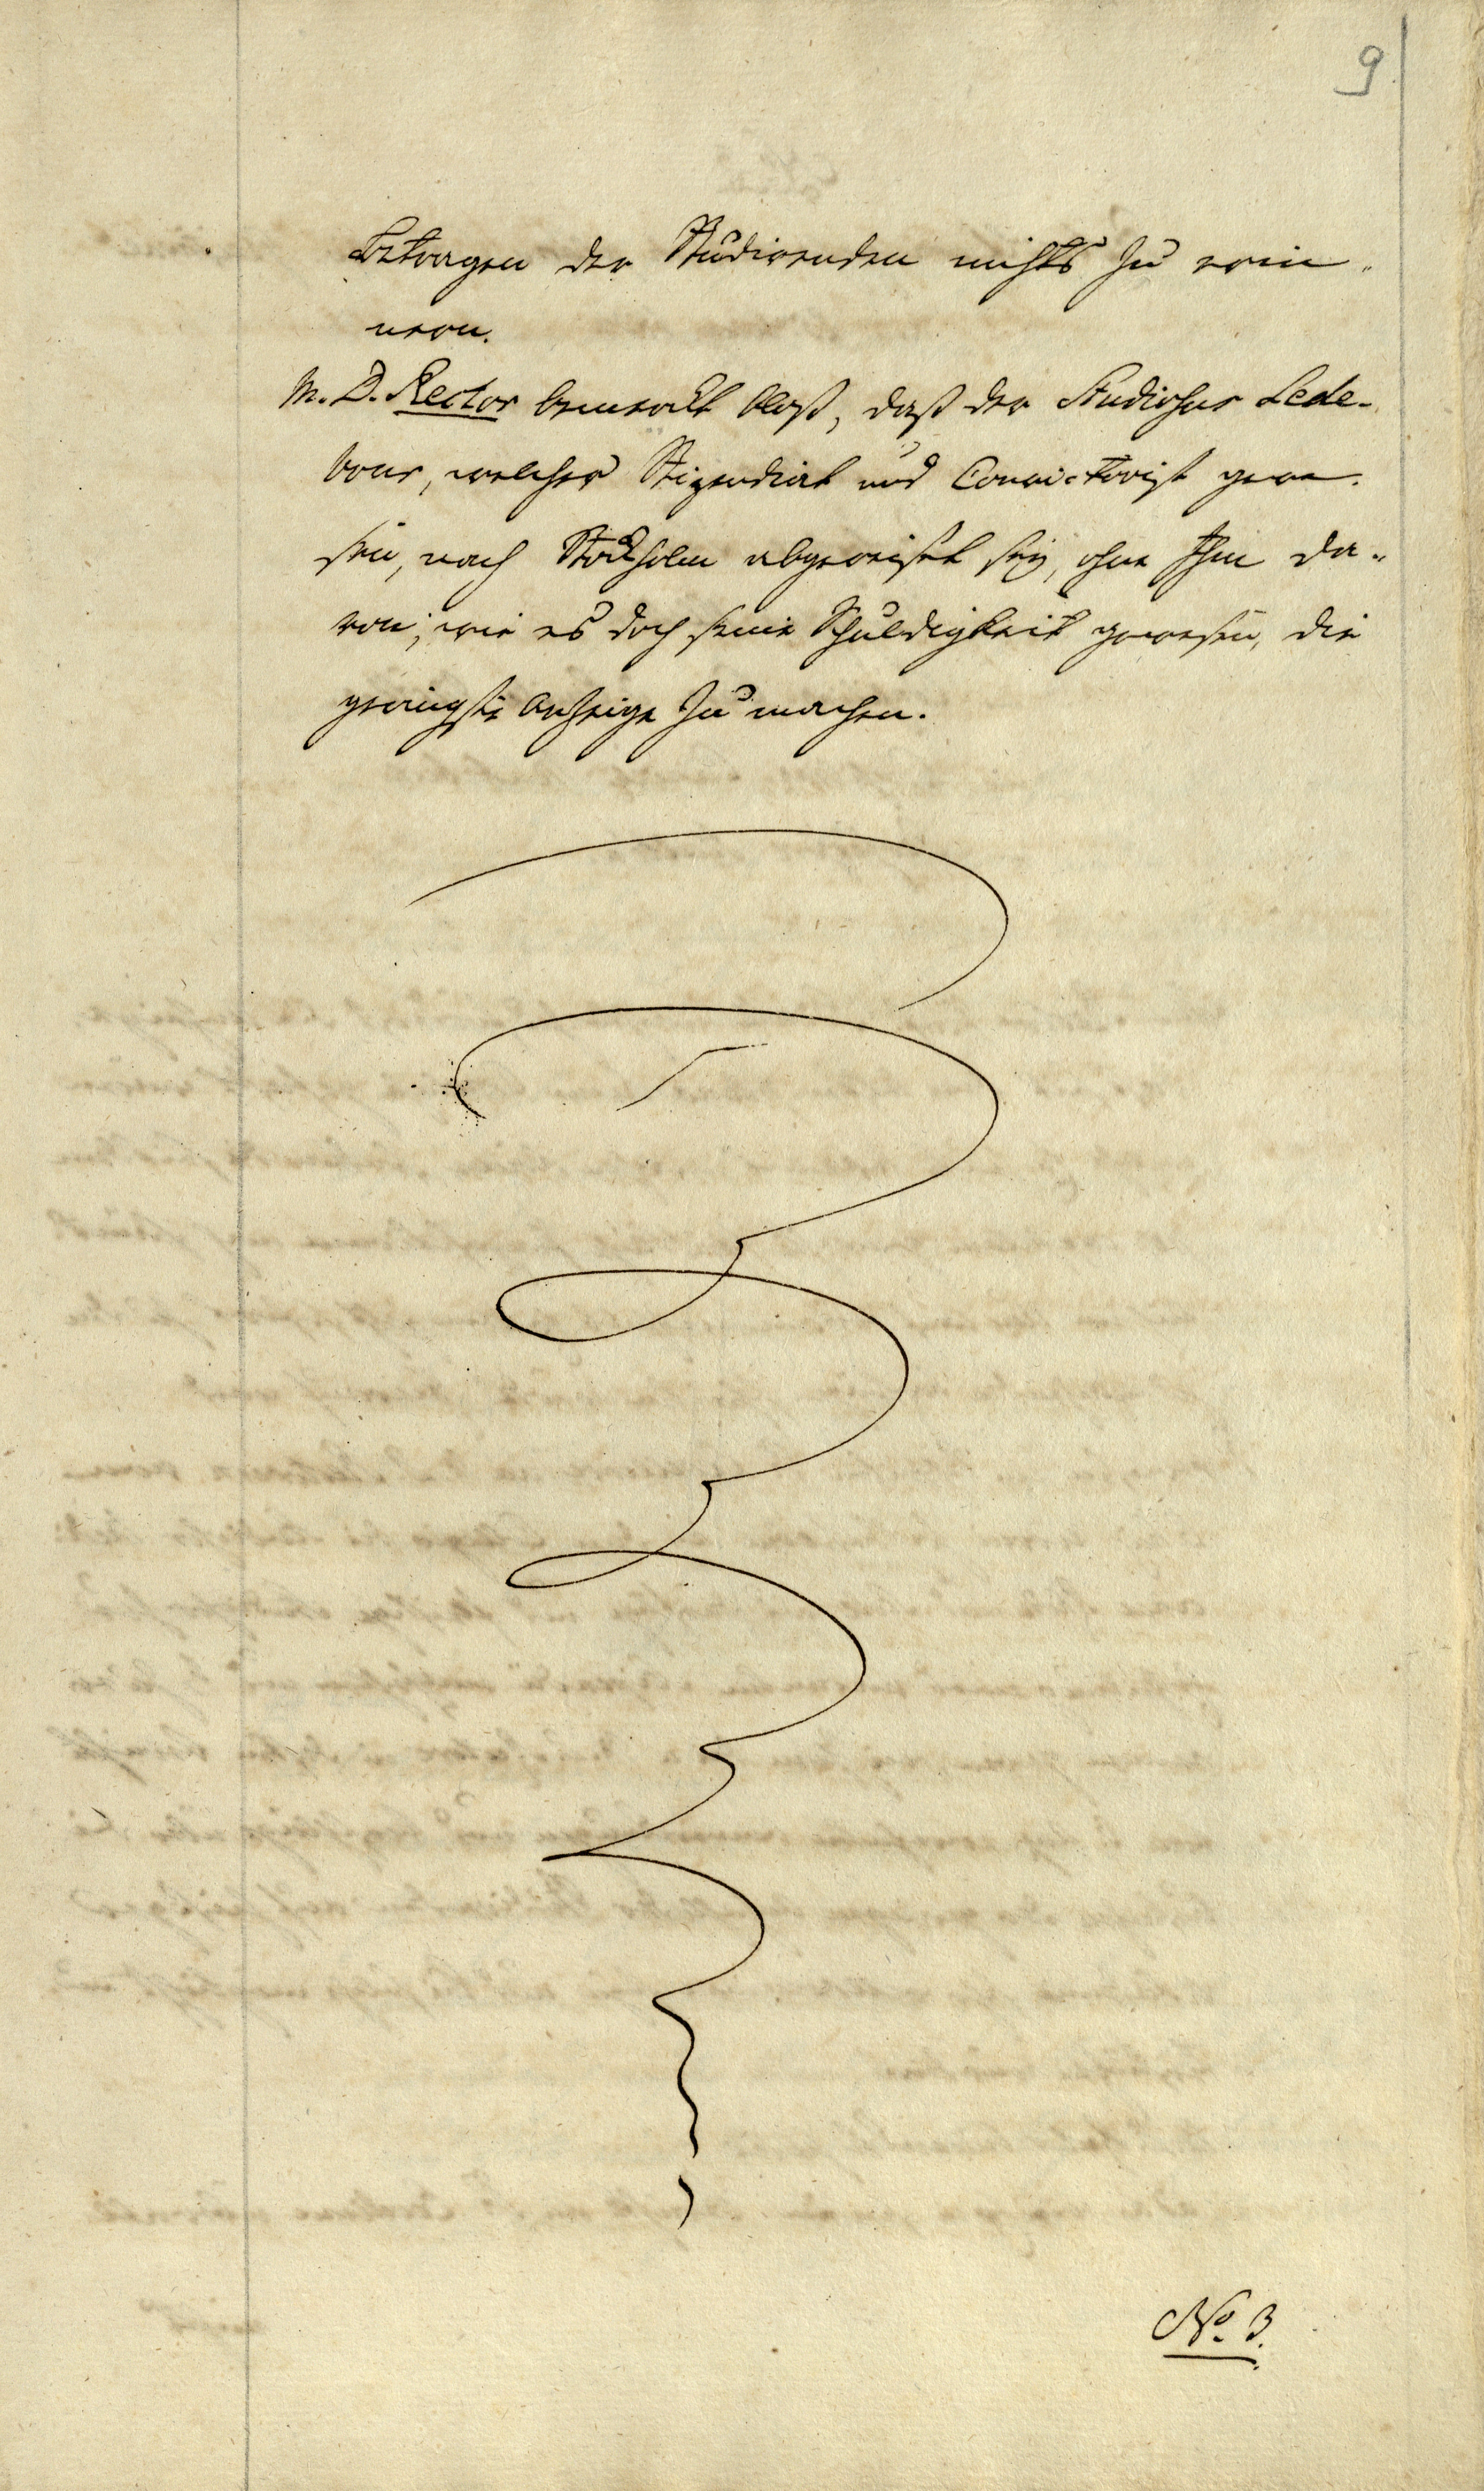Betragen der Studirenden nichts zu erin¬
nern.
M. D. Rector bemerckt bloß, daß der Studiosus Lede¬
bour, welcher Stipendiat und Convictorist gewe¬
sen, nach Stockholm abgereiset seÿ, ohne Ihm da¬
von; wie es doch seine Schuldigkeit gewesen, die
geringste Anzeige zu machen.
No 3.